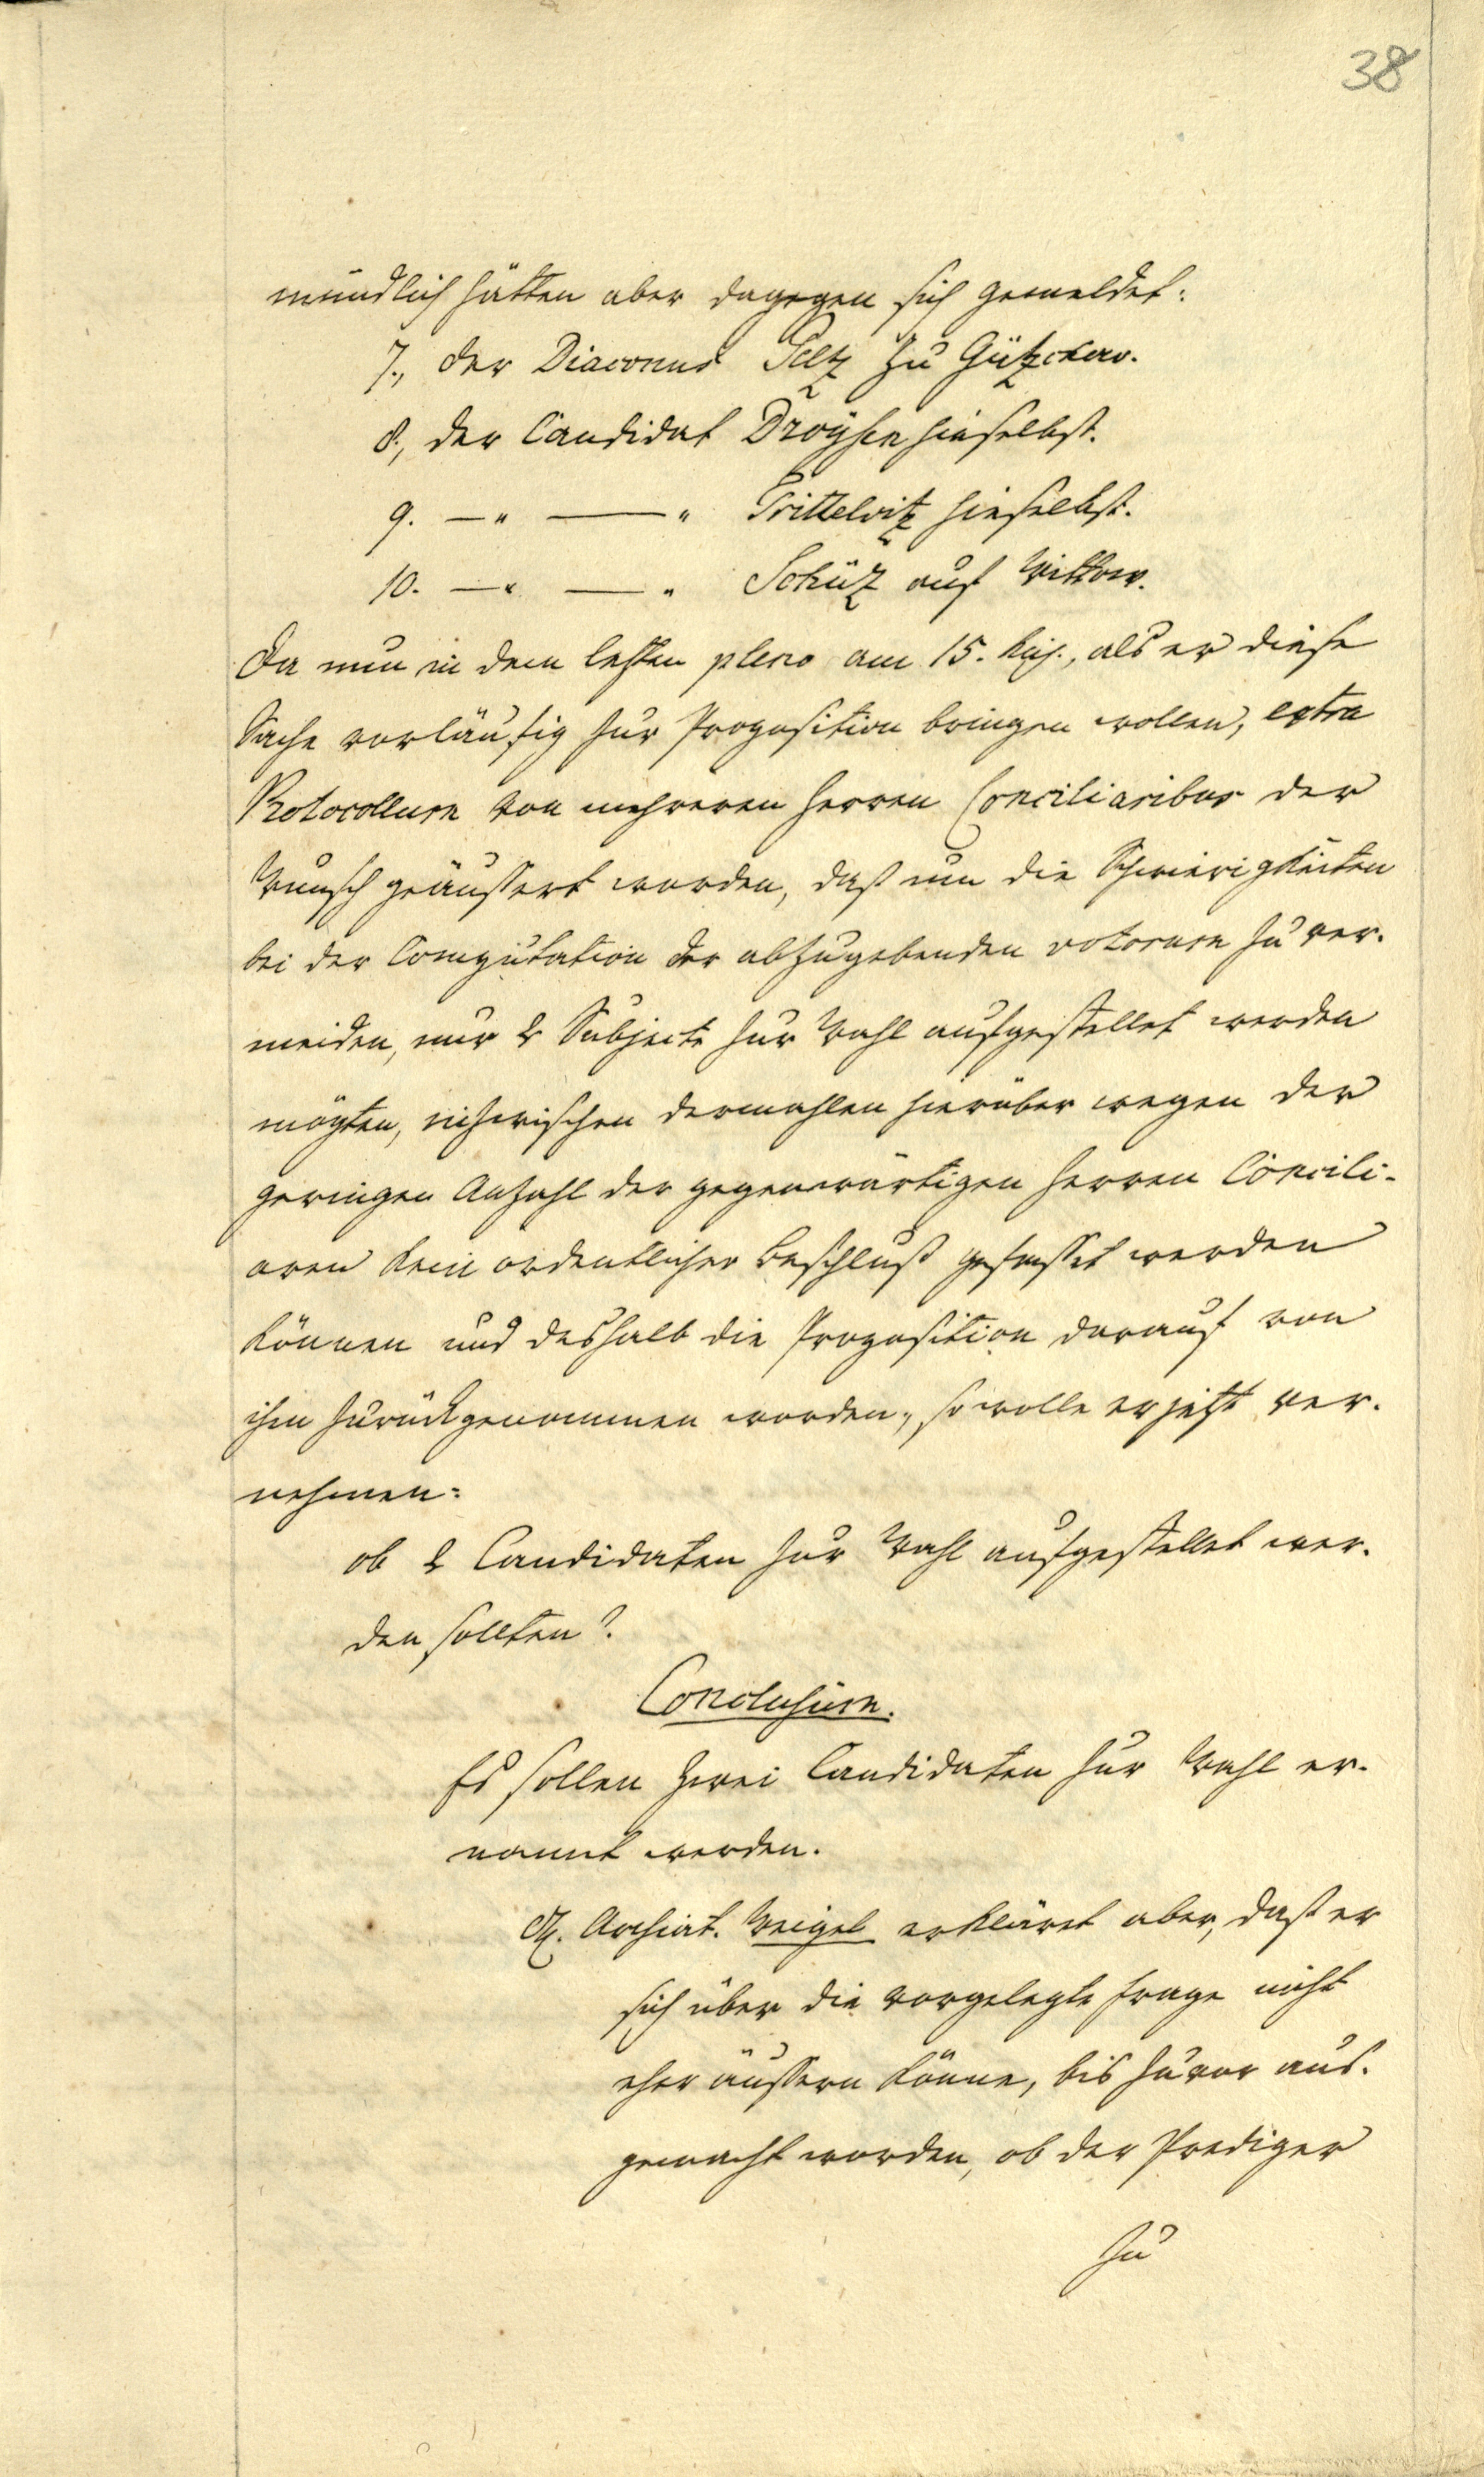mündlich hätten aber dagegen sich gemeldet.
7., der Diaconus Peltz zu Gützckow.
8, der Candidat Droÿsen hieselbst.
9. — " — " Trittelvitz hieselbst.
10. e " — " Schüz auf Wittow.
Da nun in dem letzten pleno am 15. huj., als er diese
Sache vorläufig zur Proposition bringen wollen, extra
Protocollum von mehreren Herren Conciliaribus der
Wunsch geäussert worden, daß um die Schwierigkeiten
bei der Comgutation der abzugebenden votorum zu ver¬
meiden, nur 2 Subjecte zur Wahl aufgestellet werden
mögten, inzwischen dermahlen hierüber wegen der
geringen Anzahl der gegenwärtigen Herren Concili¬
aren kein ordentlicher Beschluß gefasset werden
können und deshalb die Proposition darauf von
ihm zurückgenommen worden; so wolle er jetzt ver¬
nehmen:
ob 2 Candidaten zur Wahl ausgestellet wer¬
den sollten?
Conclusum.
Es sollen zwei Candidaten zur Wahl er¬
nanntt werden.
dh. Archiat. Weigel erkläret aber, daß er
sich über die vorgelegte Frage nicht
eher äussern könne, bis zuvor aus¬
gemacht worden, ob der Prediger
zu